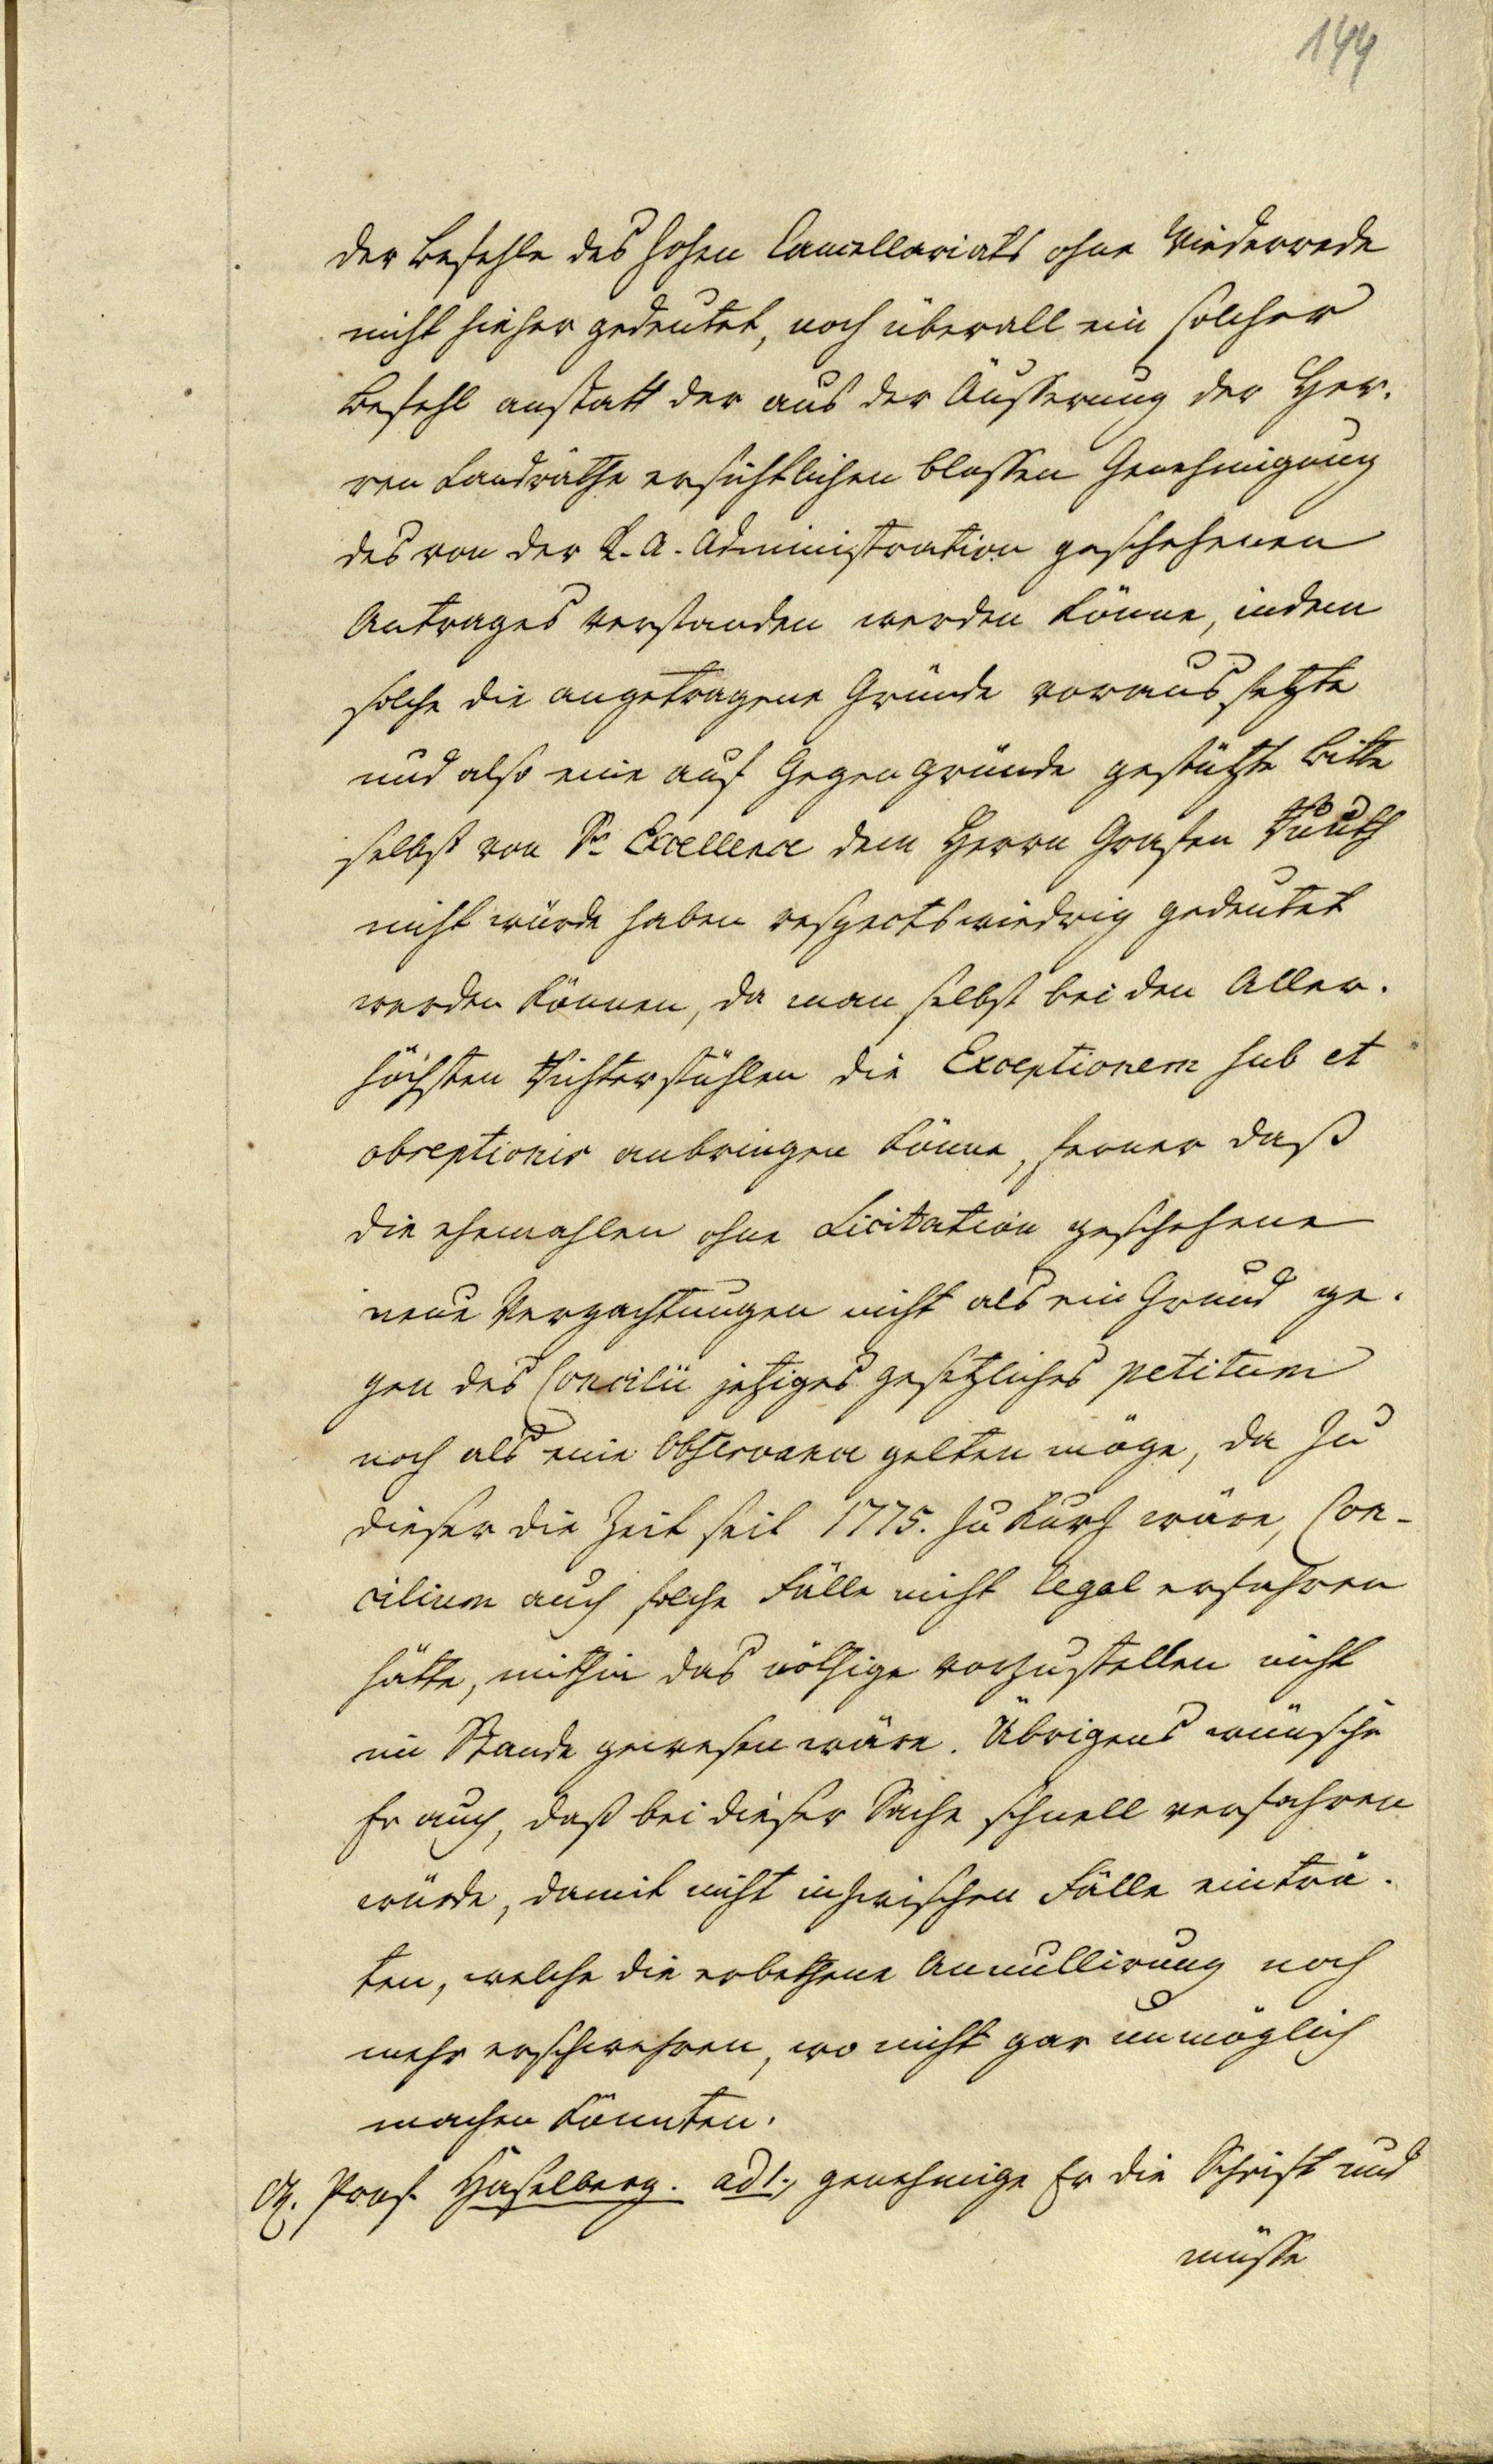der Befehle des hohen Cancellariats ohne Wiederrede
nicht hieher gedeutet, noch überall ein solcher
Befehl anstatt der aus der Äusserung der Her¬
ren Landräthe ersichtlichen blossen Genehmigung
des von der K A. Administration geschehenen
Antrages verstanden werden könne, indem
solche die angetragene Gründe voraussetzte
und also eine auf Gegengründe gestützte Bitte
selbst von Sr. Excellence dem Herrn Grafen Ruuth
nicht würde haben respectswiedrig gedeutet
werden können, da man selbst bei den Aller¬
höchsten Richterstühlen die Exceptionem sub et
obreptionis anbringen könne, ferner daß
die ehemahlen ohne Licitation geschehene
neue Verpachtungen nicht als ein Grund ge¬
gen des Concilii jetziges gesetzliches petitum
noch als eine Observance gelten möge, da zu
dieser die Zeit seit 1775. zu kurz wäre, Con¬
cilium auch solche Fälle nicht legal erfahren
hätte, mithin das nöthige vorzustellen nicht
im Stande gewesen wäre. Übrigens wünsche
Er auch, daß bei dieser Sache schnell verfahren
würde, damit nicht inzwischen Fälle einträ¬
ten, welche die erbethene Annullirung noch
mehr erschwehren, wo nicht gar unmöglich
machen könnten.
dh. Prof. Haselberg. ad1., genehmiget Er die Schrift und
müsse